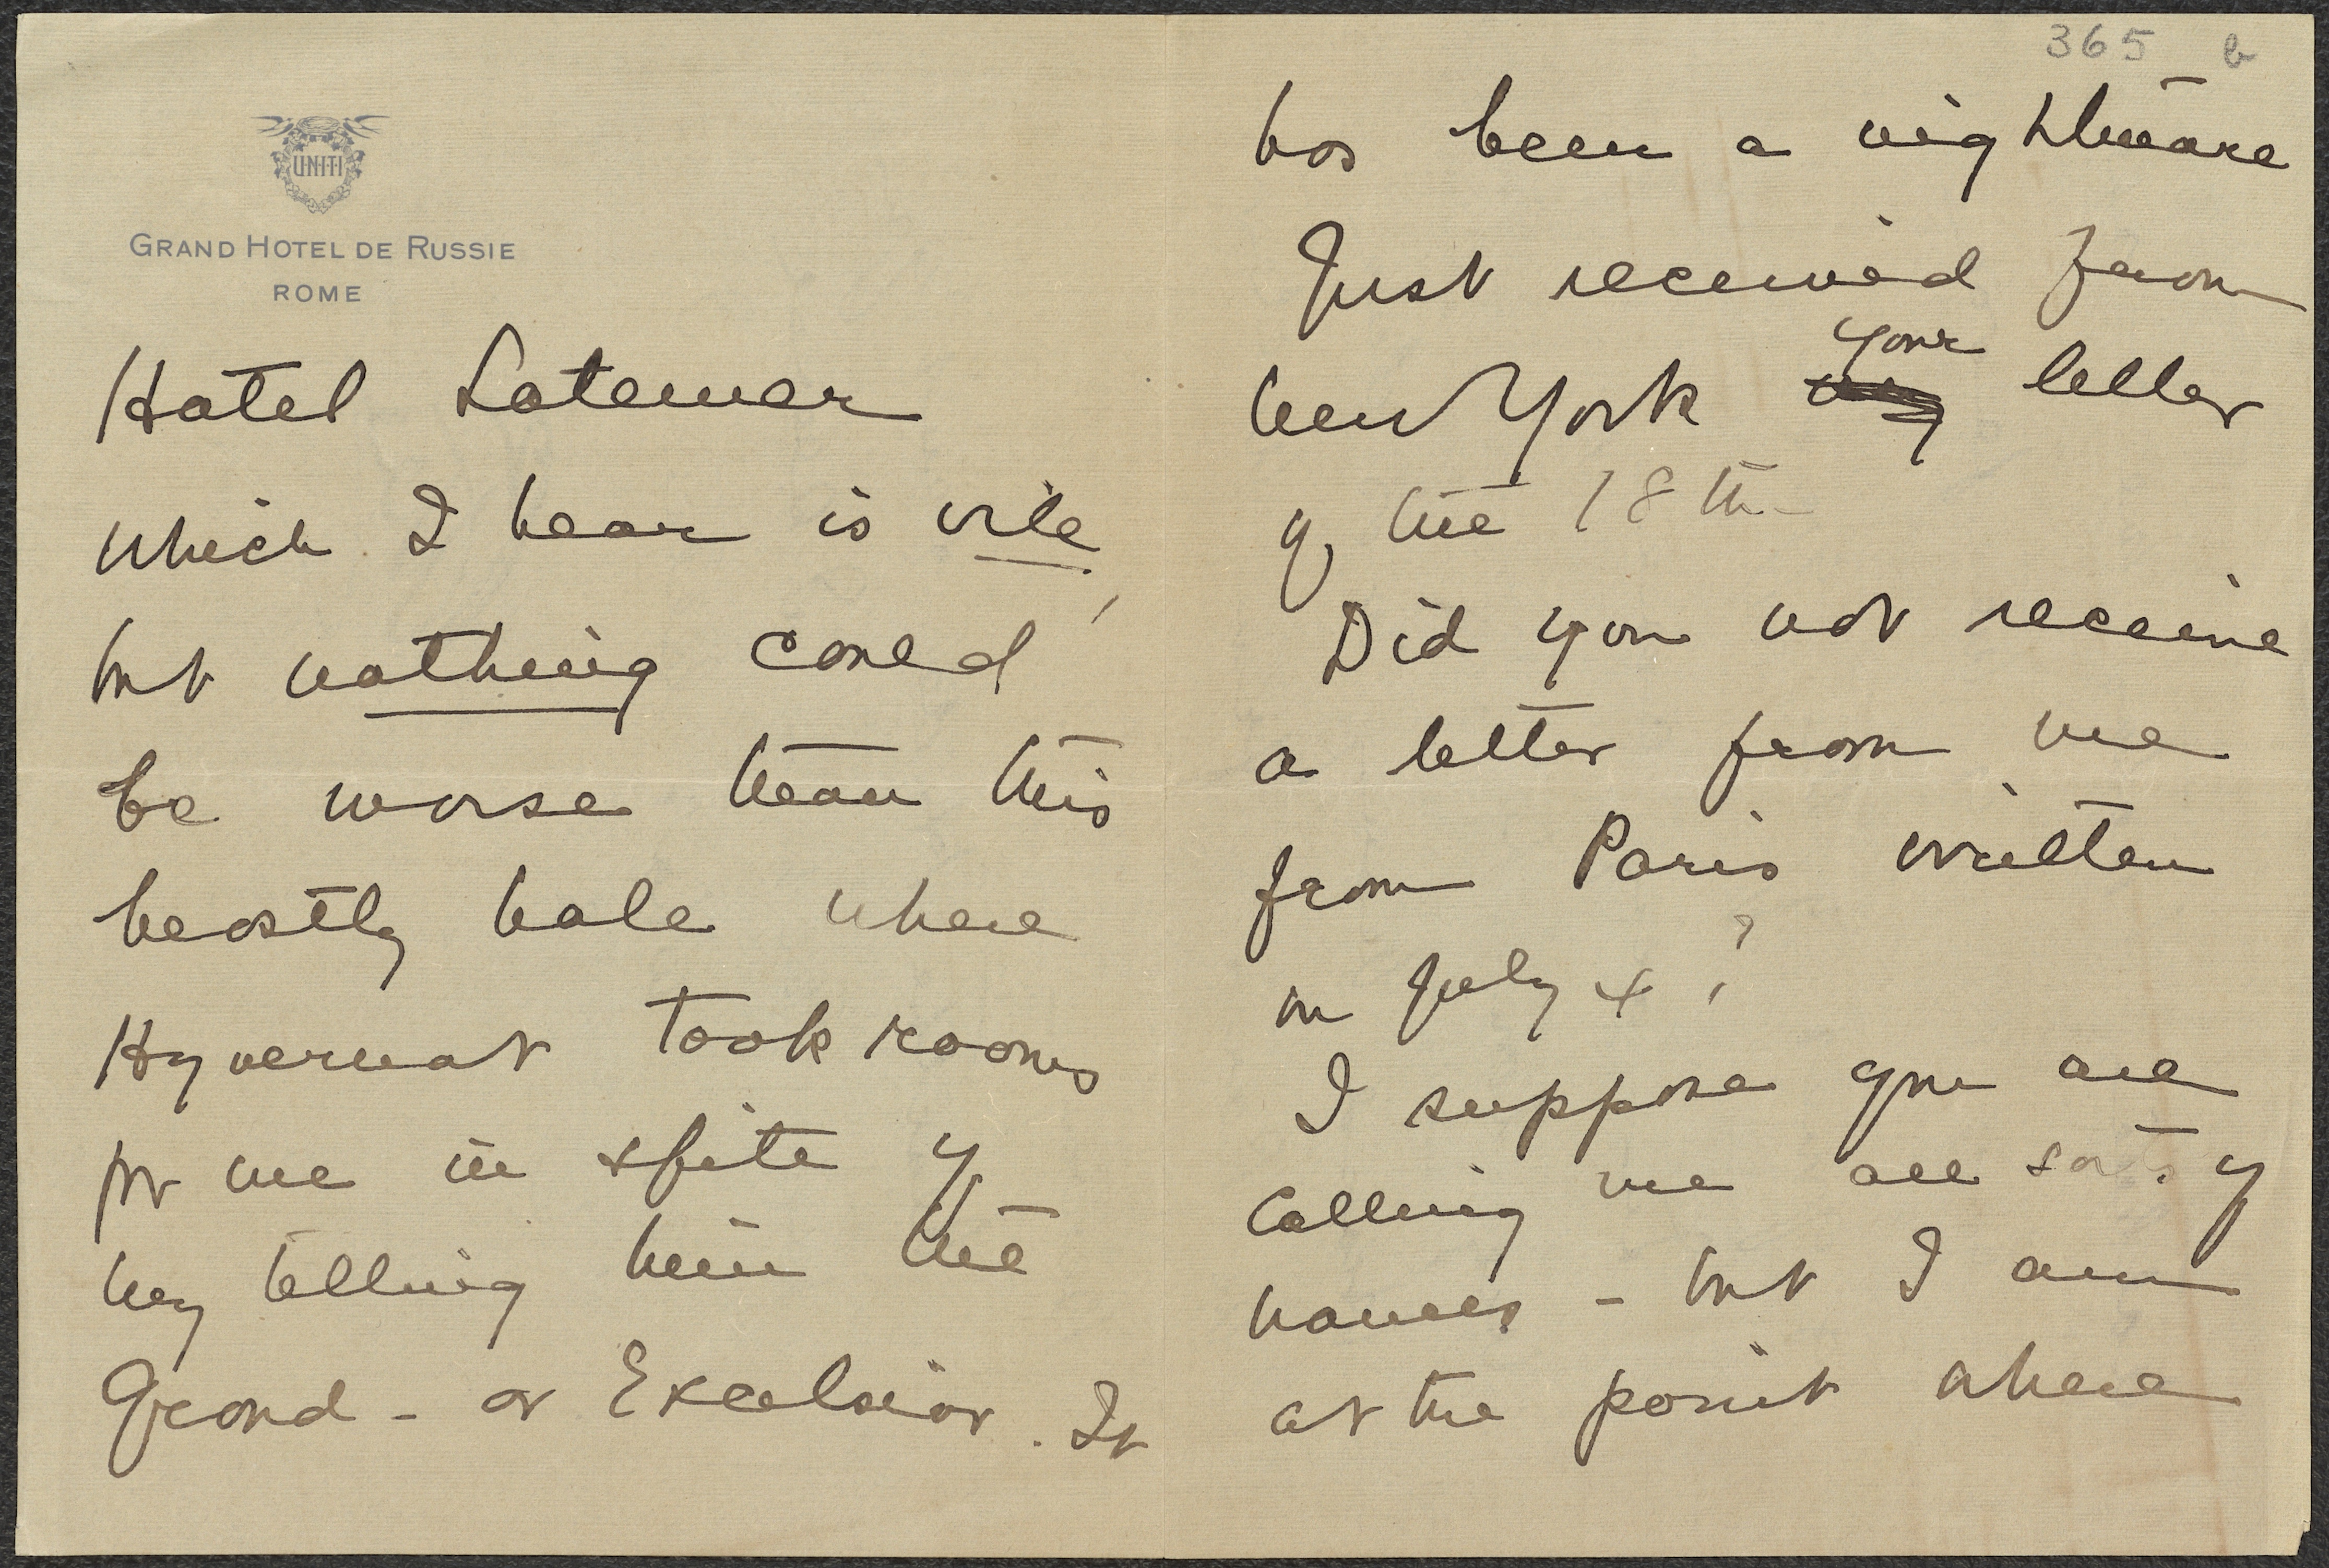Hotel Latemar which I hear is vile, but nothing could be worse than this beastly hole where Hyvernat took rooms for me in spite of my telling him the Grand – or Excelsior. It
has been a nightmare
Just received from New York my [^your^] letter of the 18th –
Did you not receive a letter from me from Paris written on July 4?
I suppose you are calling me all sorts of names – but I am at the point where